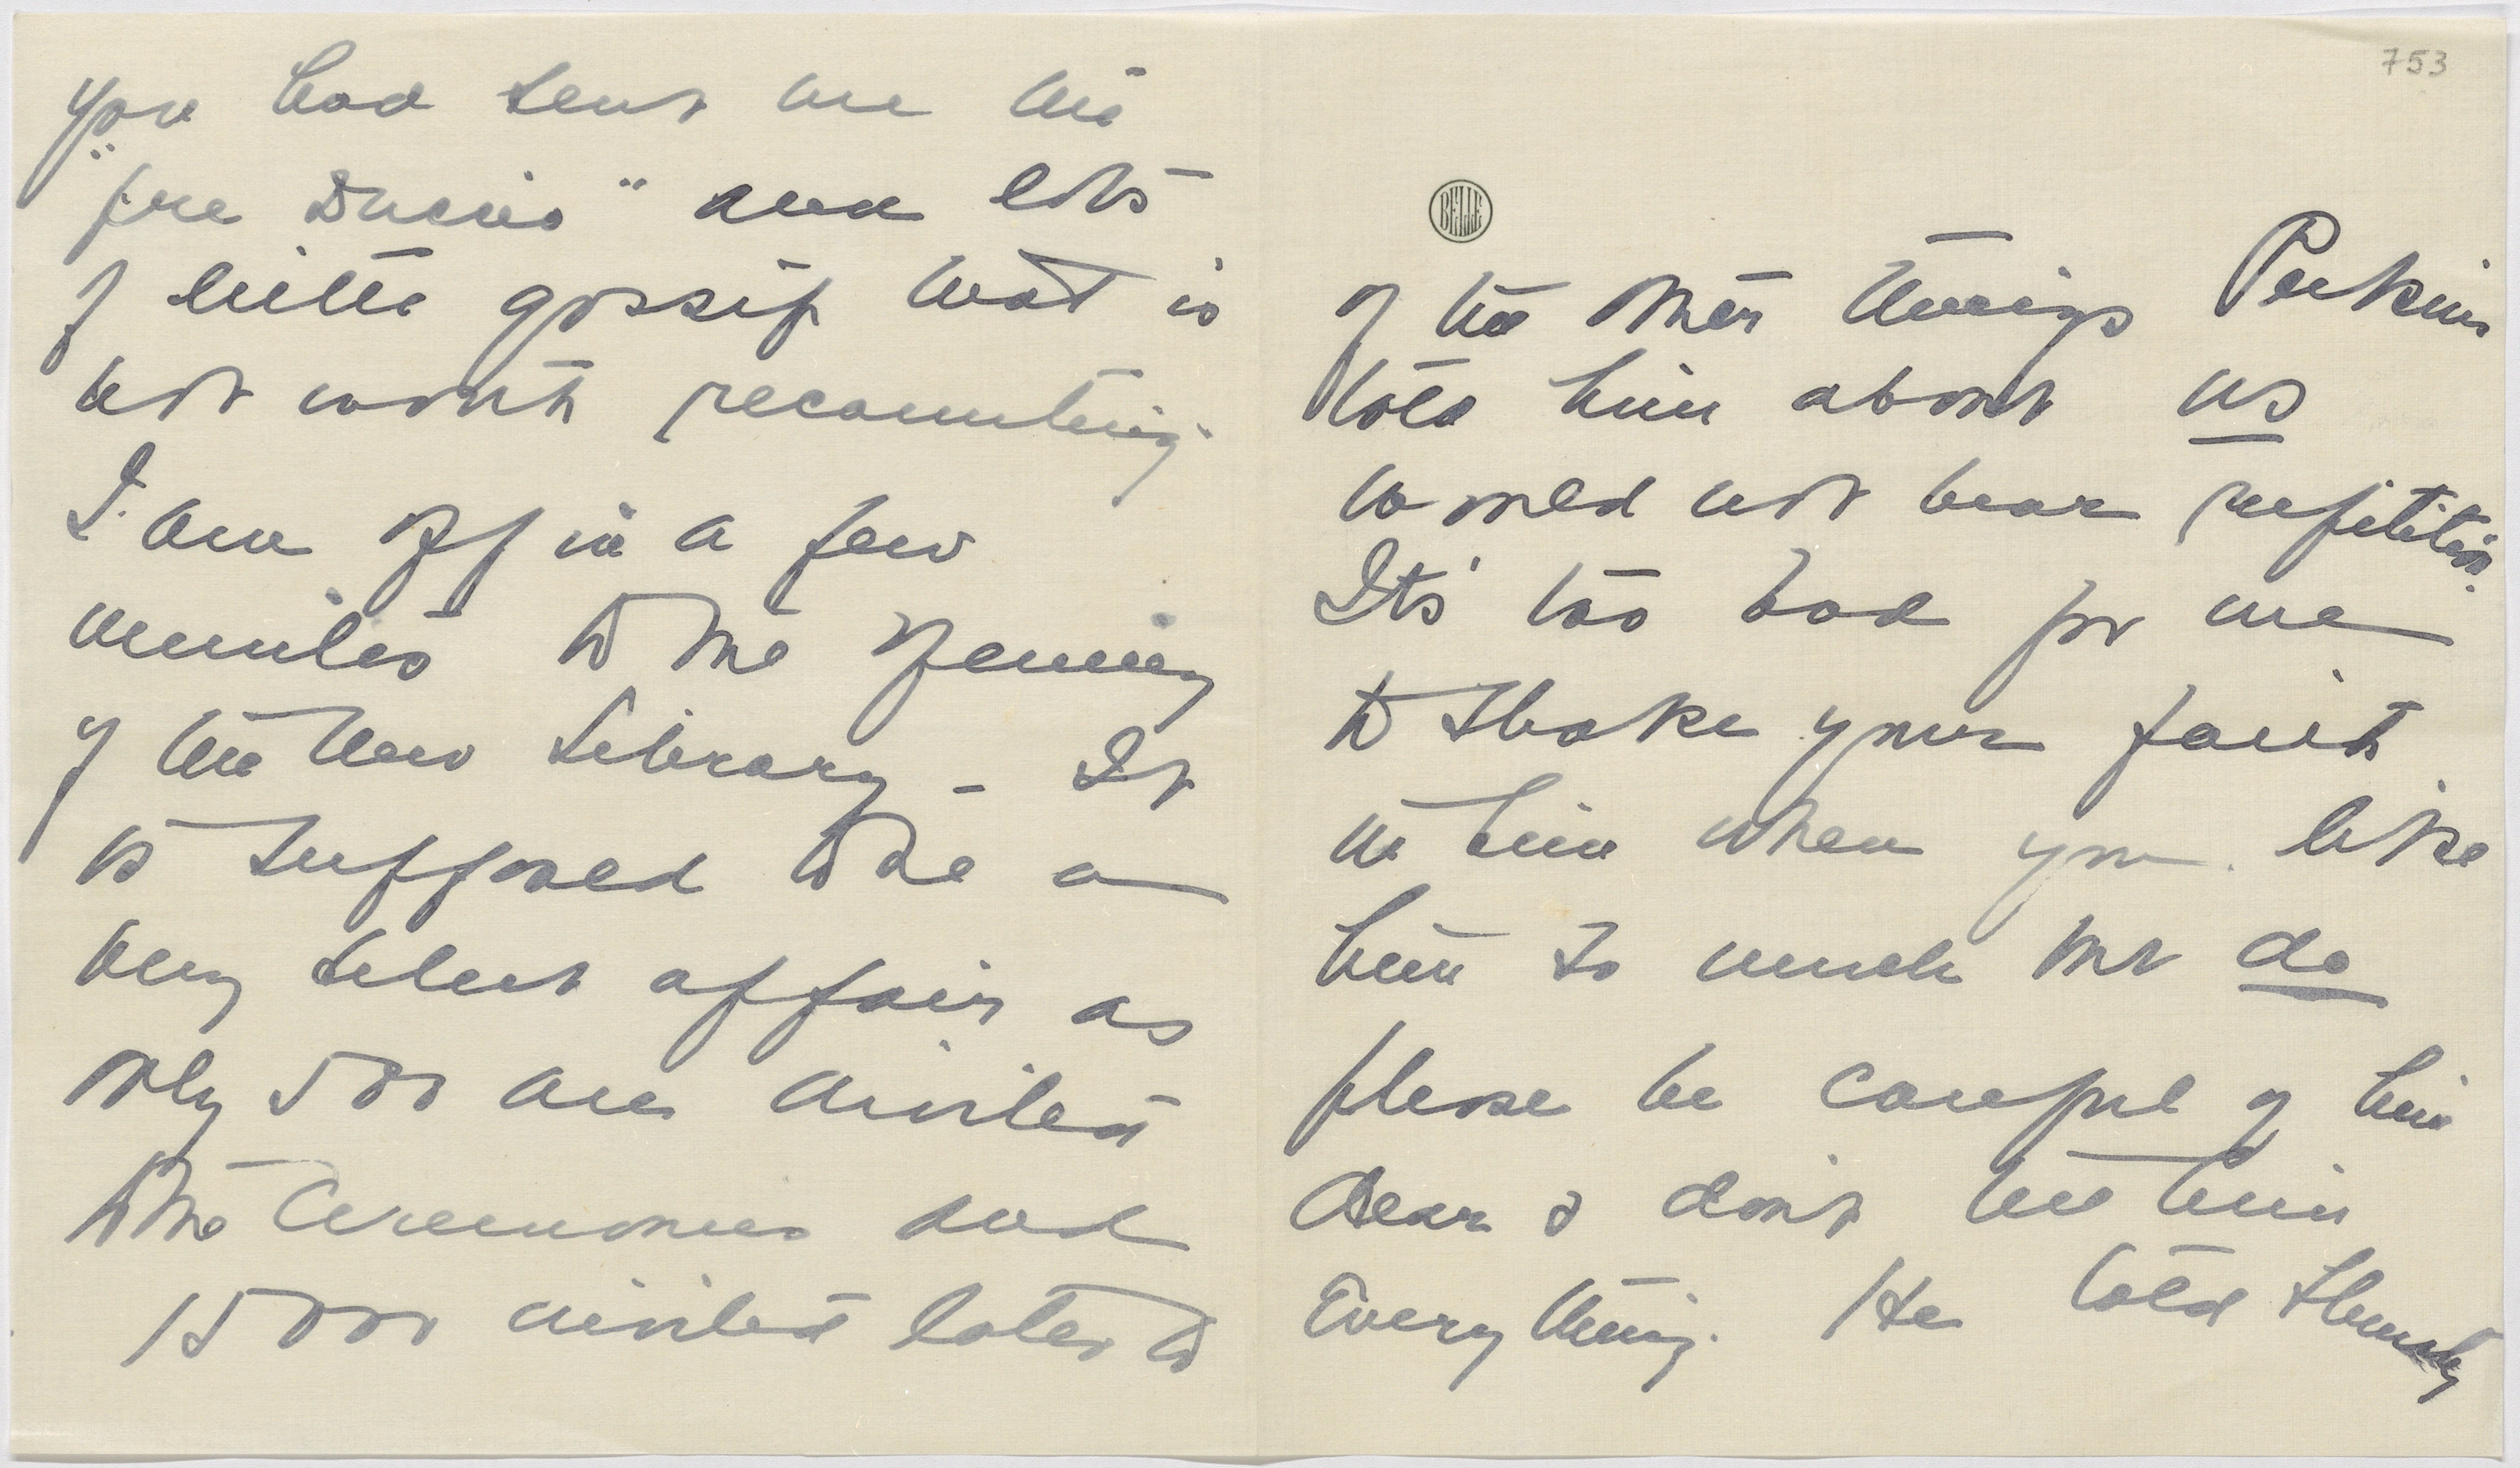of the other things Perkins told him about us would not bear repetition. It’s too bad for me to shake your faith in him when you like him so much but do please be careful of him dear & don’t tell him every thing. He told Thursty
you had sent me the “pre Duccio” and lots of little gossip that is not worth recounting. I am off in a few minutes to the opening of the New Library – It is supposed to be a very select affair as only 500 are invited to the ceremonies and 15000 invited later to